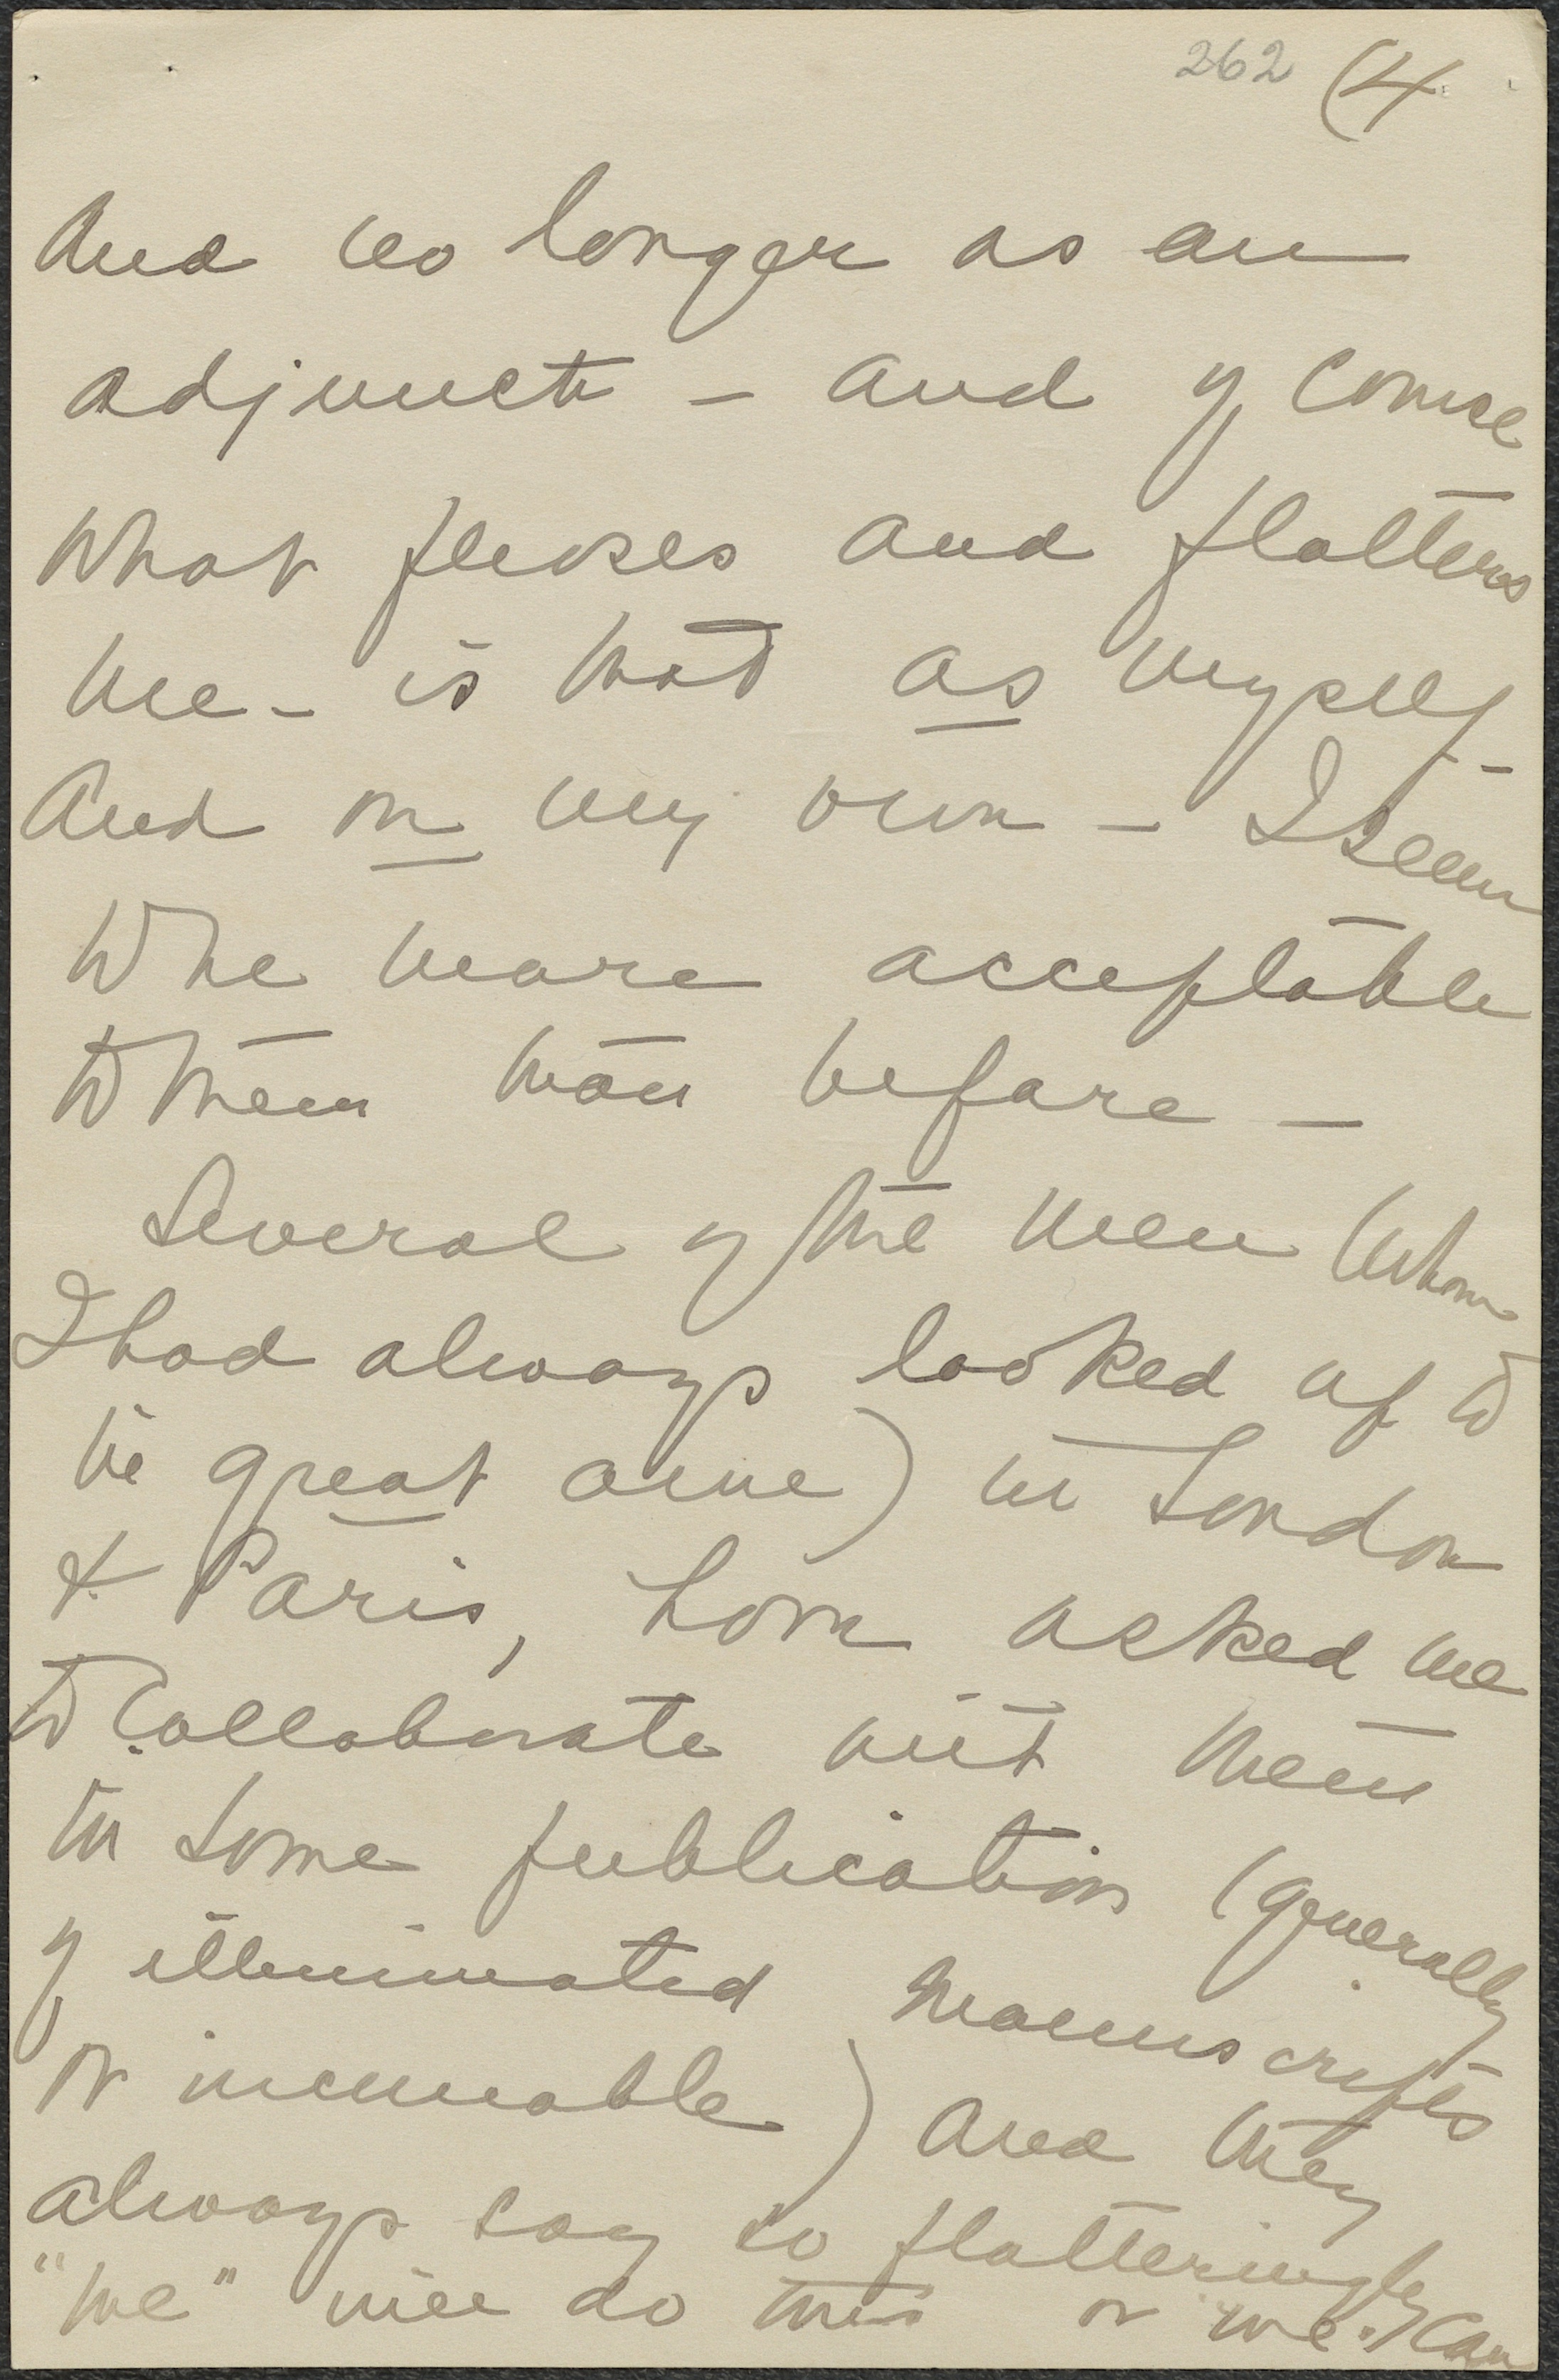(4
and no longer as an adjunct – and of course what pleases and flatters me – is that as myself – and on my own – I seem to be more acceptable to them than before –
Several of the men (whom I had always looked up to in great awe) in London & Paris, have asked me to collaborate with them in some publication (generally of illuminated manuscripts or incunable) and they always say so flatteringly “we” will do this or “we” can